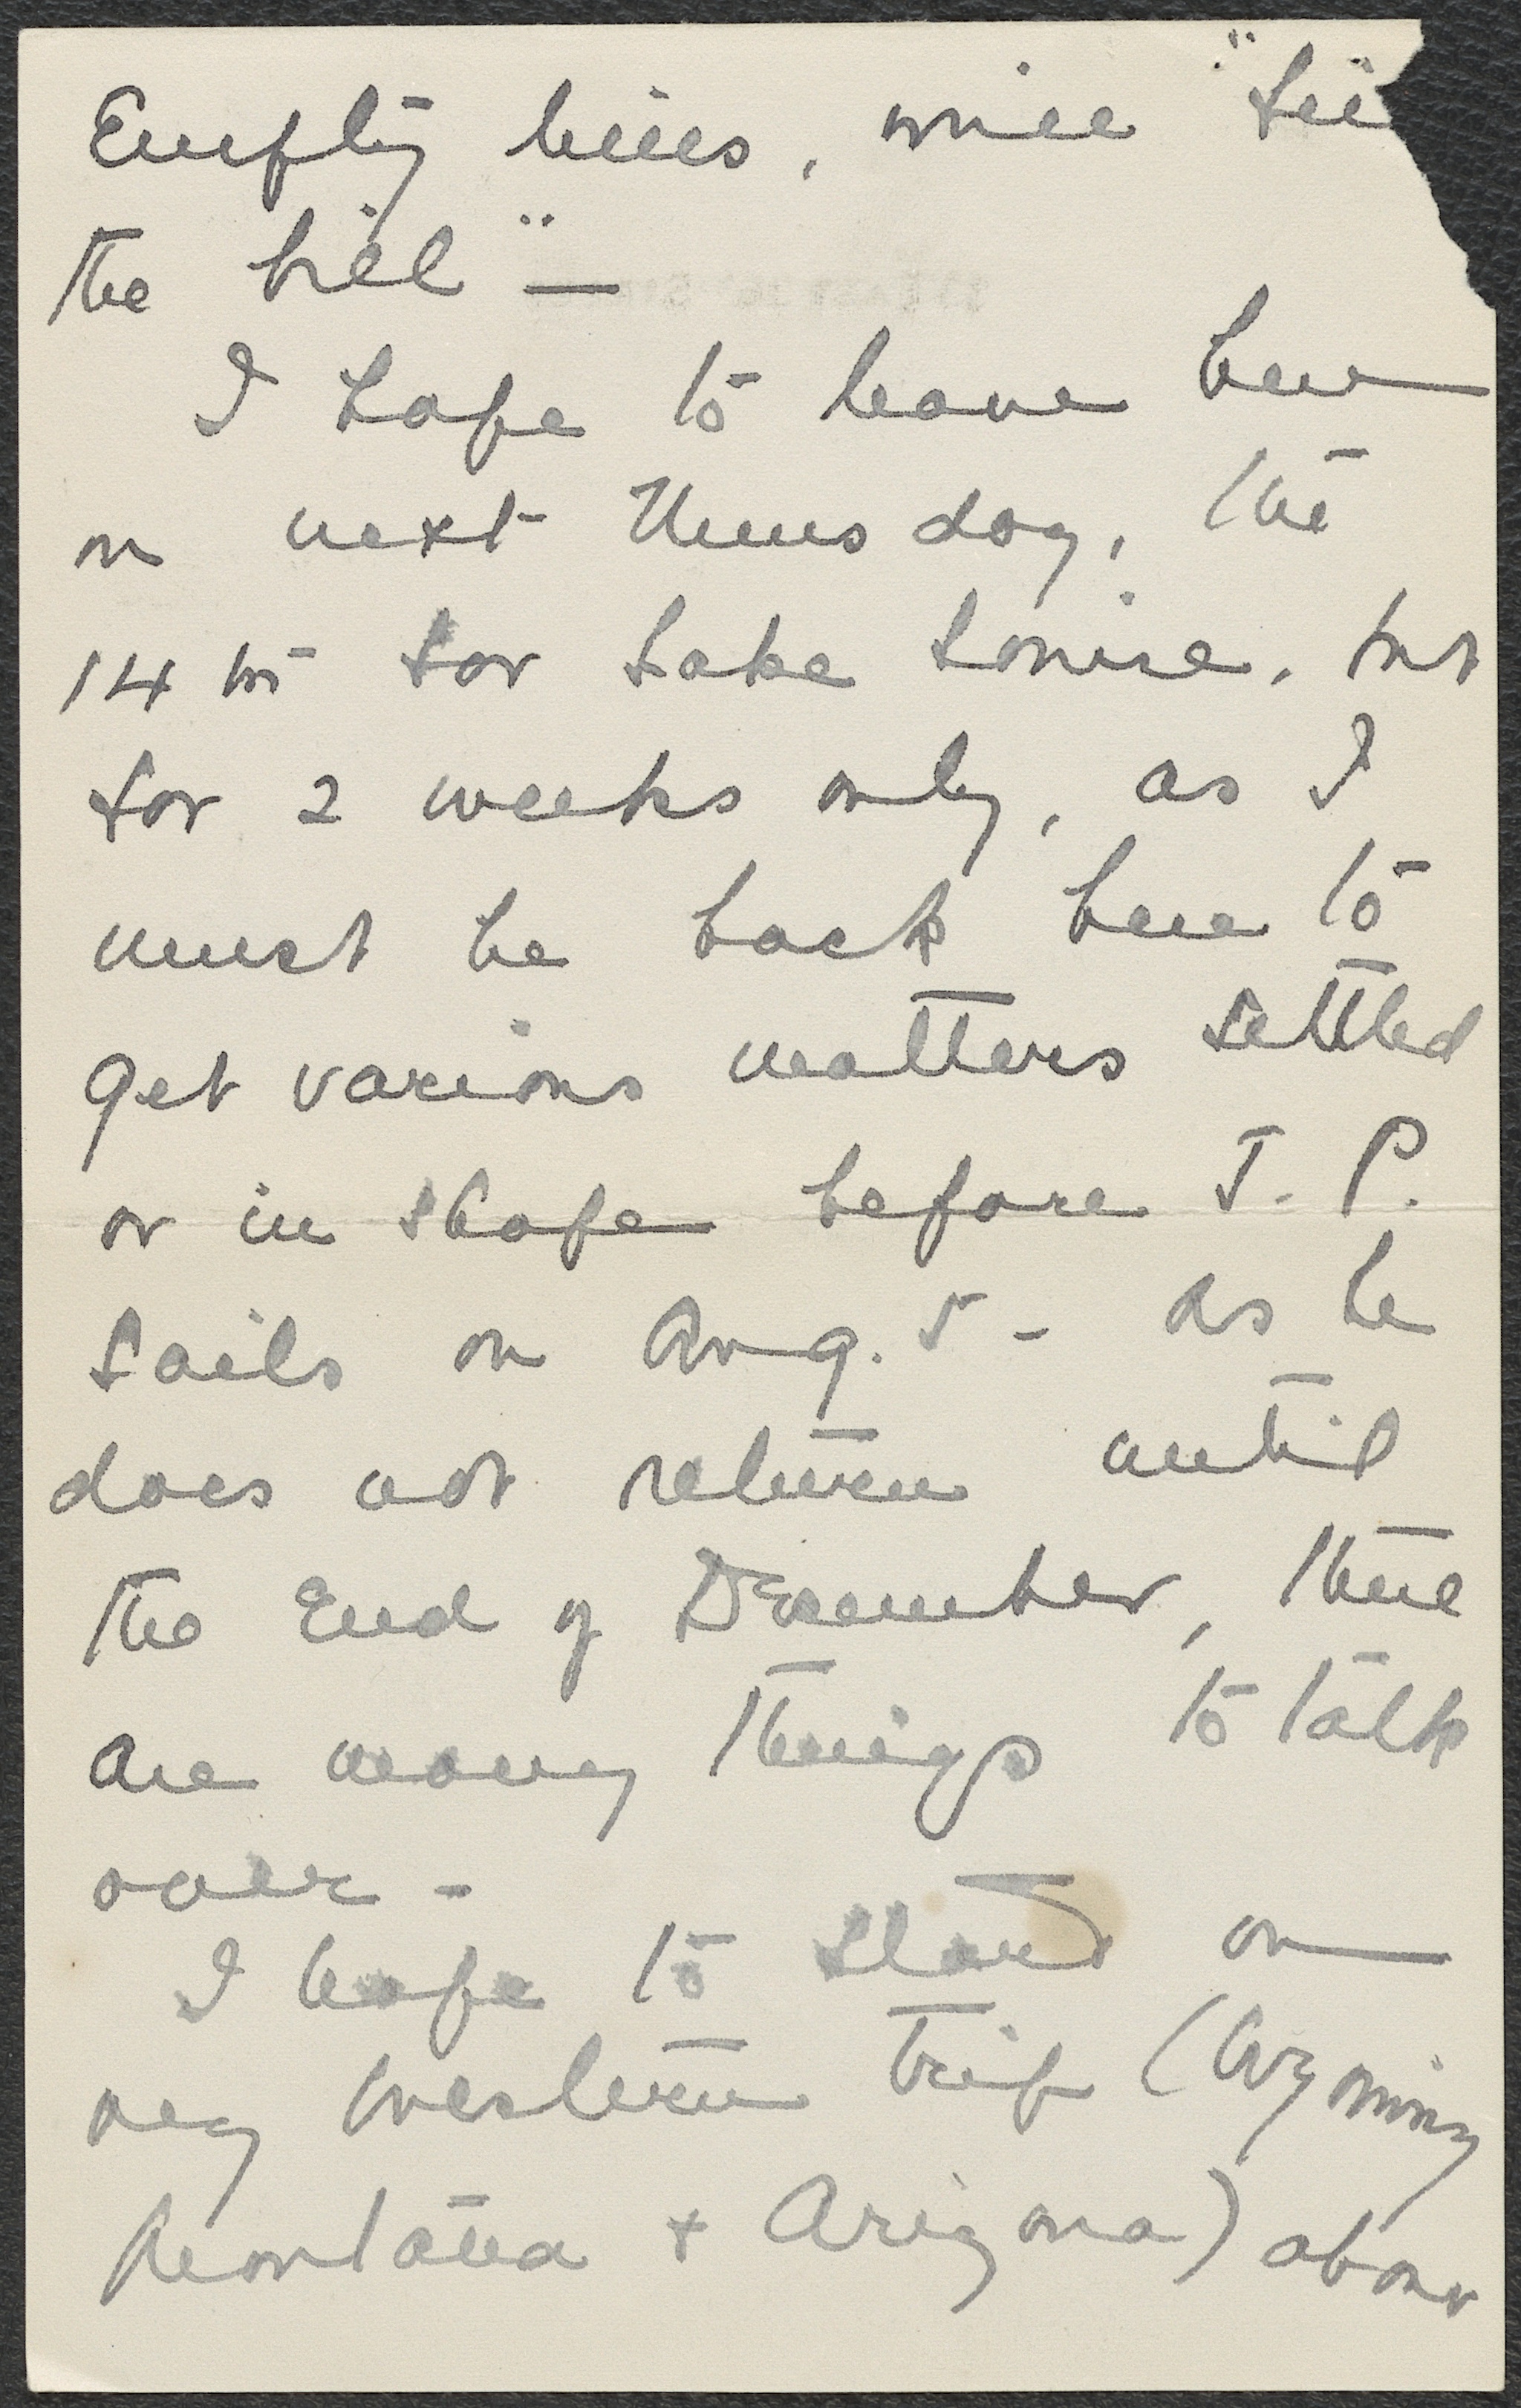empty lines, will “fill the hill” –
I hope to leave here on next Thursday, the 14th for Lake Louise, but for 2 weeks only, as I must be back here to get various matters settled or in shape before J.P. sails on Aug. 5 – As he does not return until the end of December, there are many things to talk over –
I hope to start on my Western trip (Wyoming Montana & Arizona) about